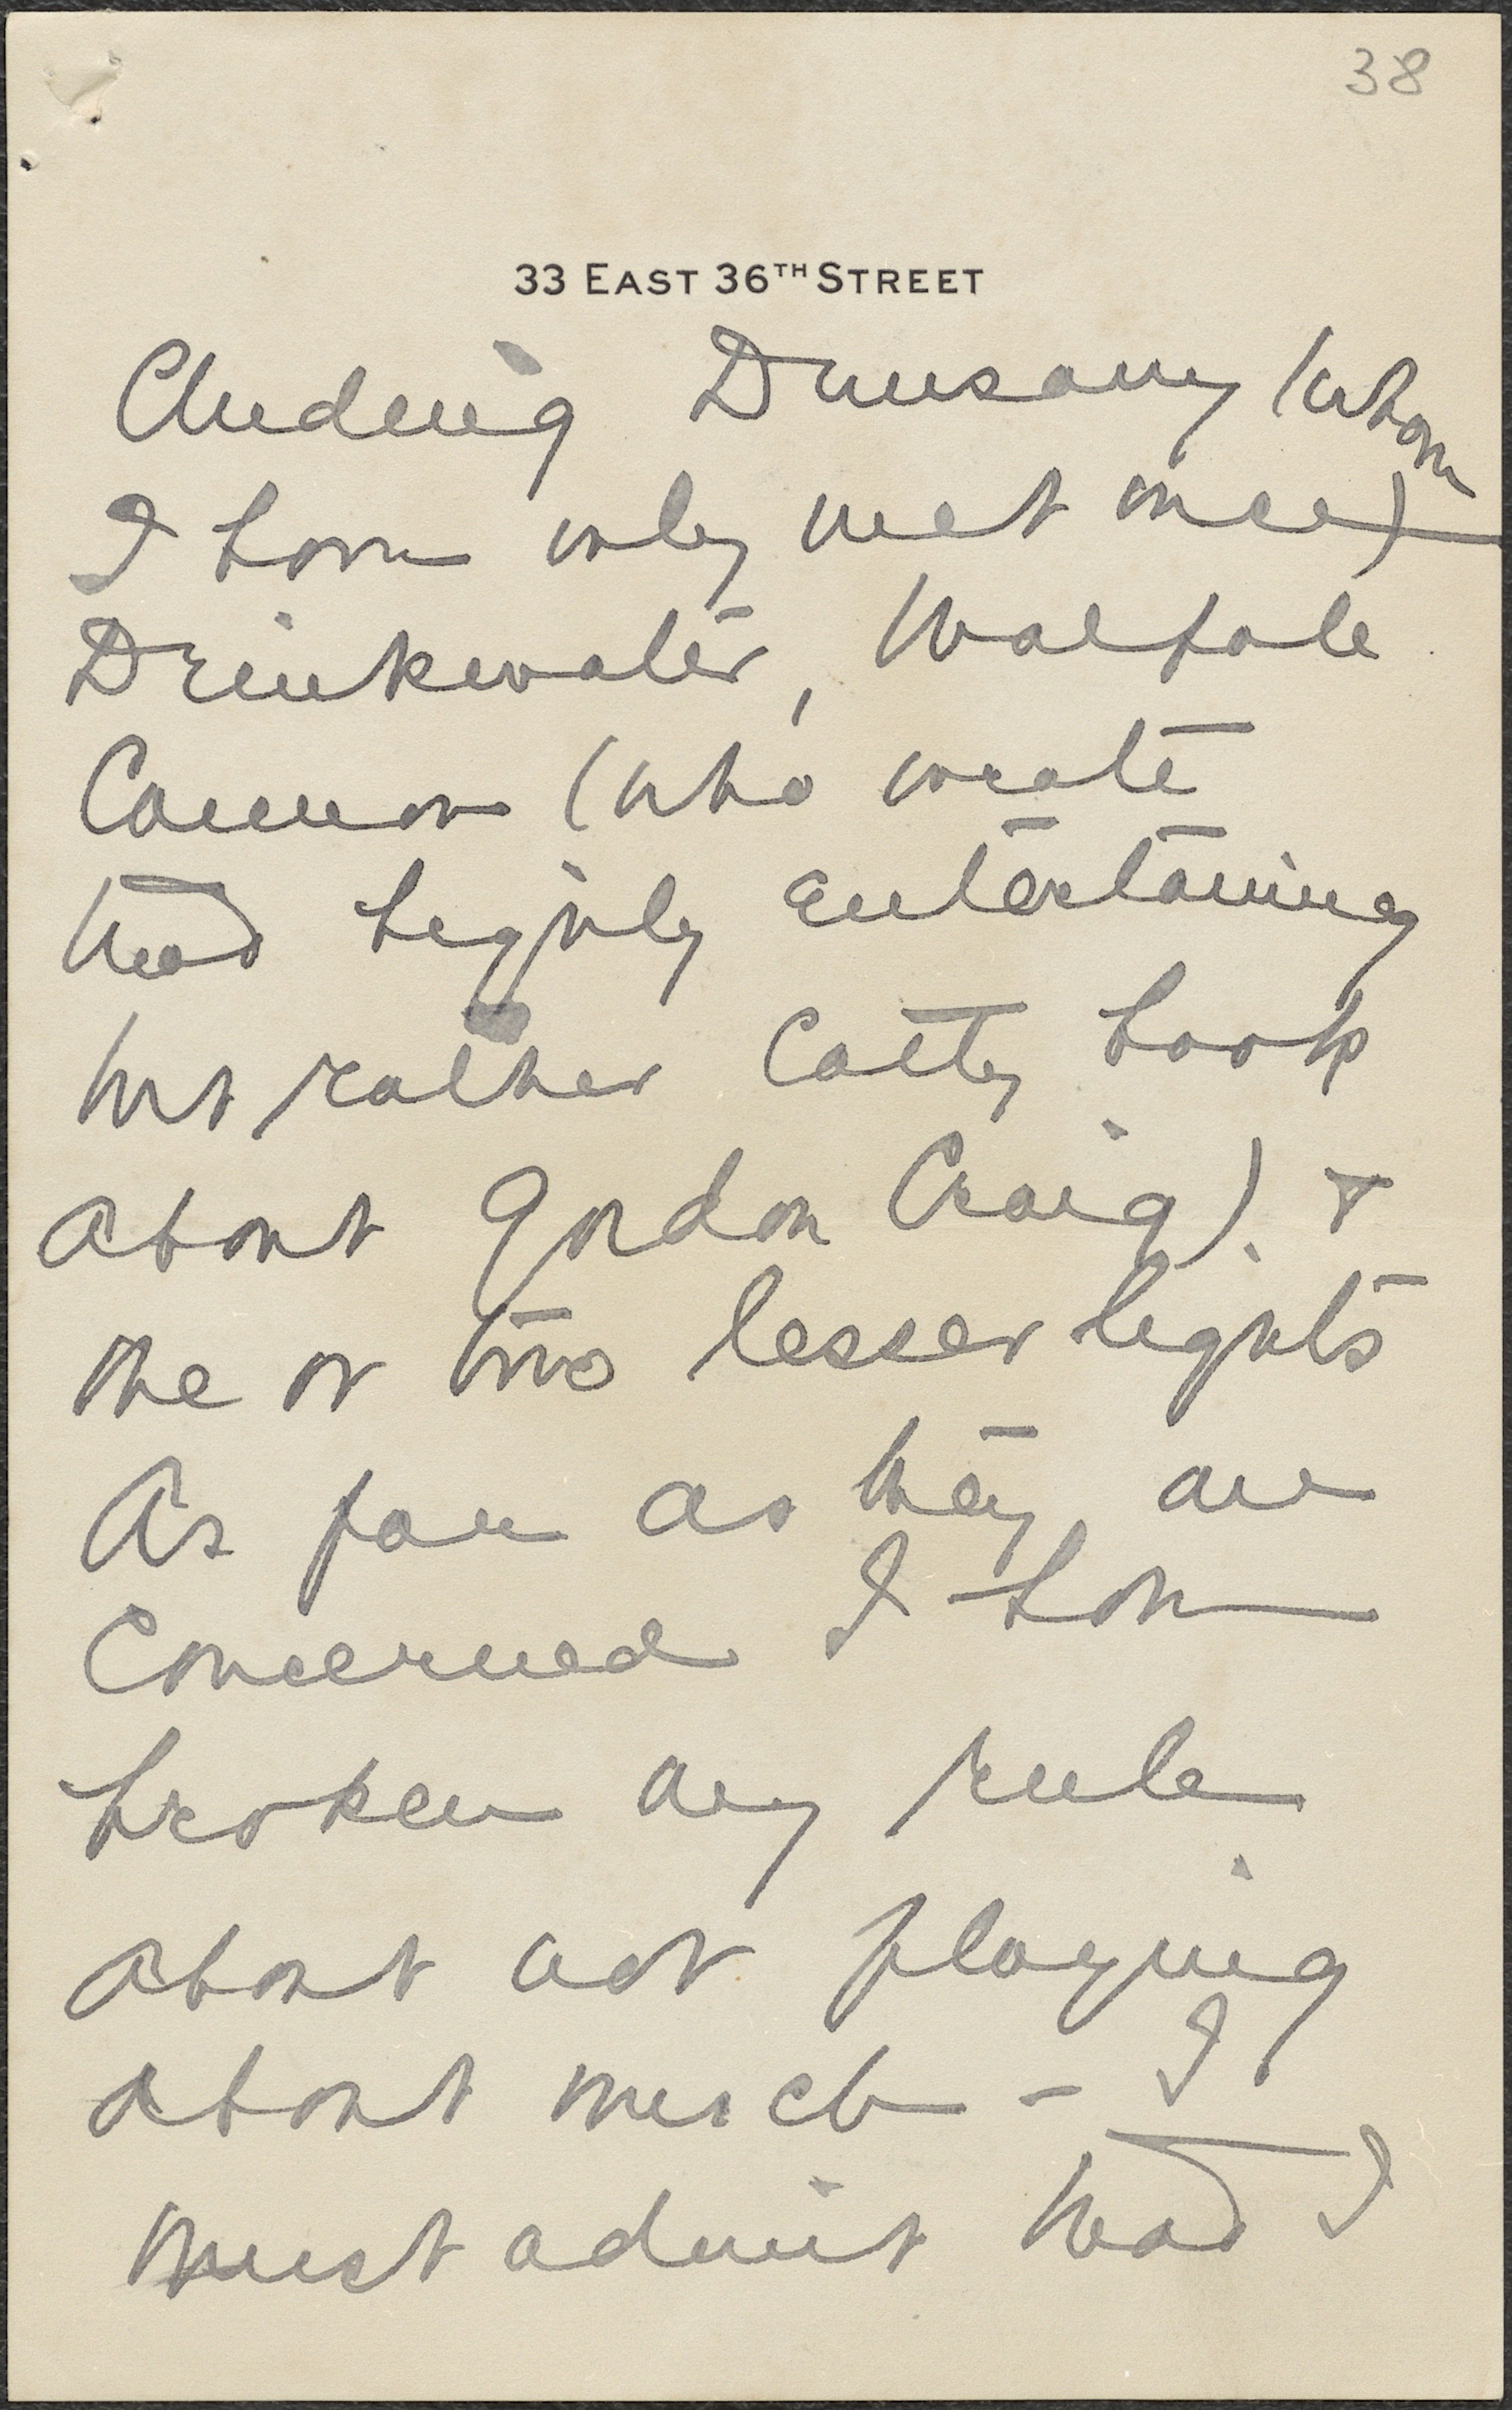including Dunsany (whom I have only met once) Drinkwater, Walpole Cavun (who wrote that highly entertaining but rather catty book about Gordon Craig). & one or two lesser lights As far as they are concerned I have broken my rule about not playing about much – I must admit that I